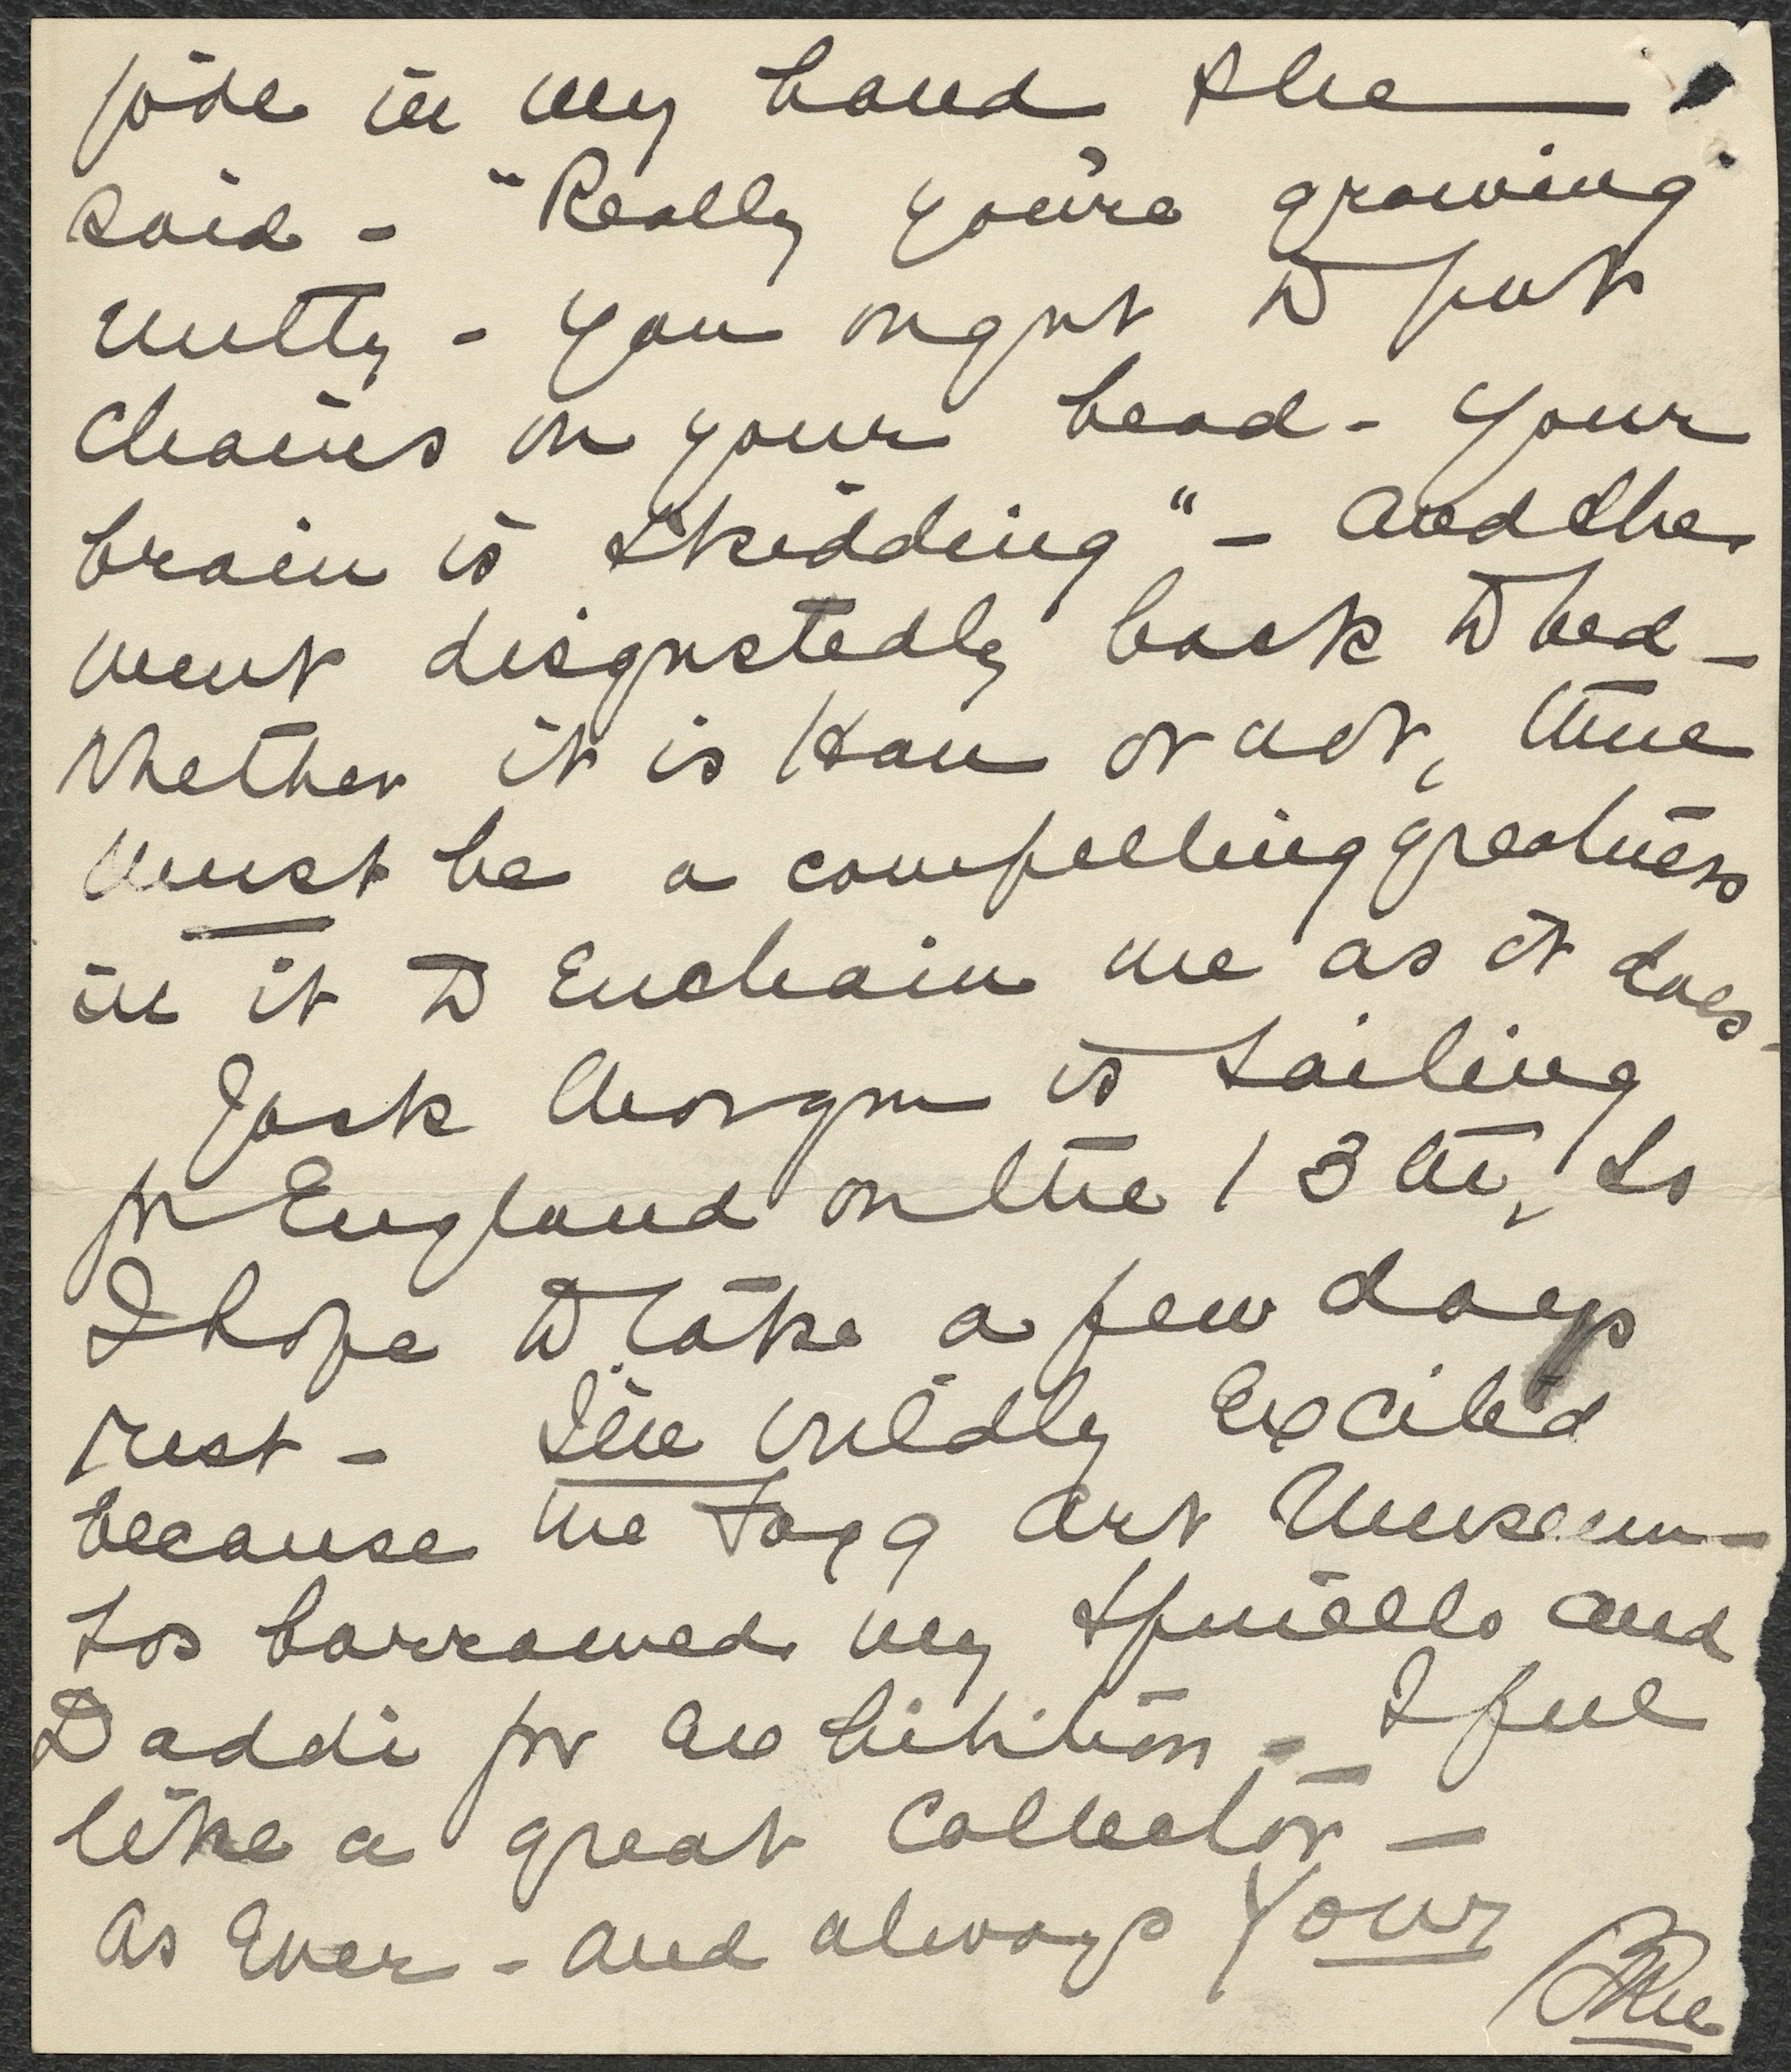jade in my hand she said – “Really you’re growing nutty – you ought to put chains on your head – your brain is skidding” – and she went disgustedly back to bed – Whether it is Han or not, there must be a compelling greatness in it to enchain me as it does –
Jack Morgan is sailing for England on the 13th, so I hope to take a few days rest – I’m wildly excited because the Fogg Art Museum has borrowed my Spinello and Daddi for exhibition – I feel like a great collector –
As ever – and always Your
Belle